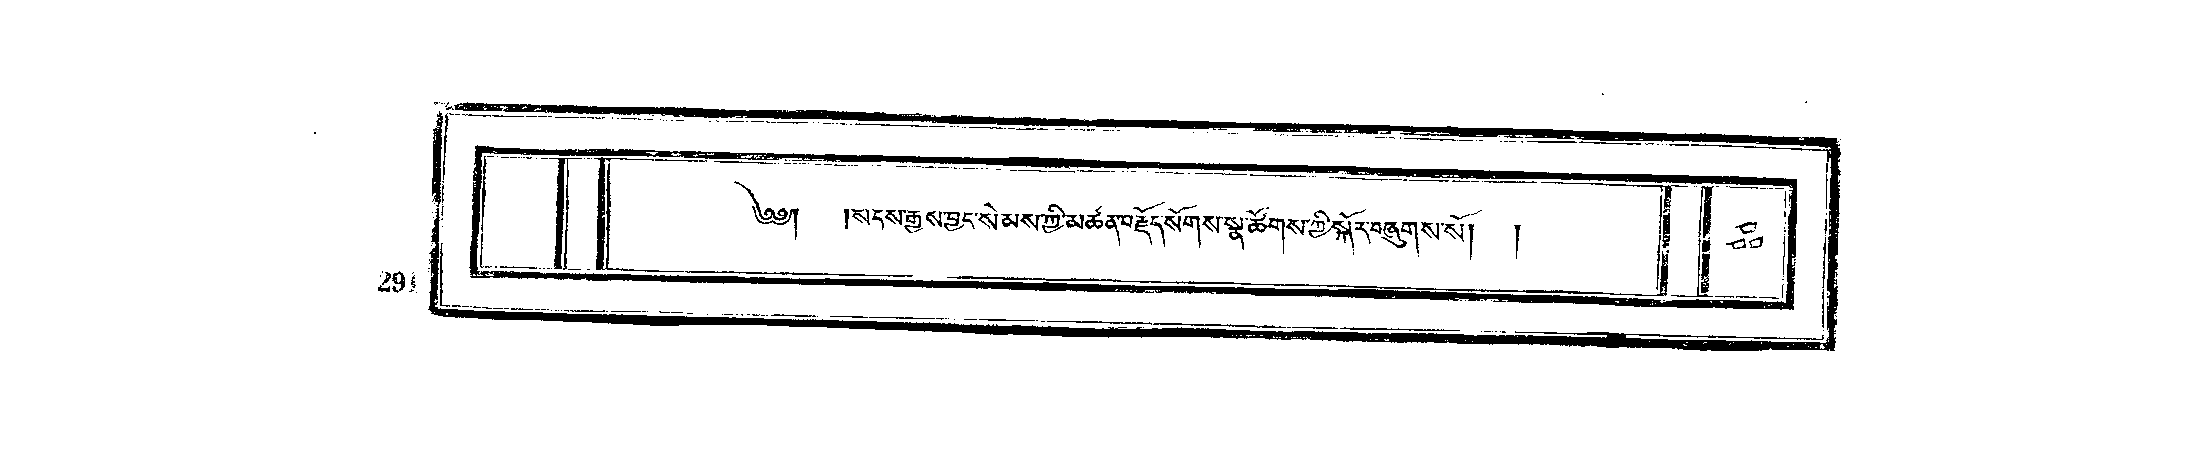༄༅། །སངས་རྒྱས་བྱང་སེམས་ཀྱི་མཚན་བརྗོད་སོགས་སྣ་ཚོགས་ཀྱི་སྐོར་བཞུགས་སོ། །